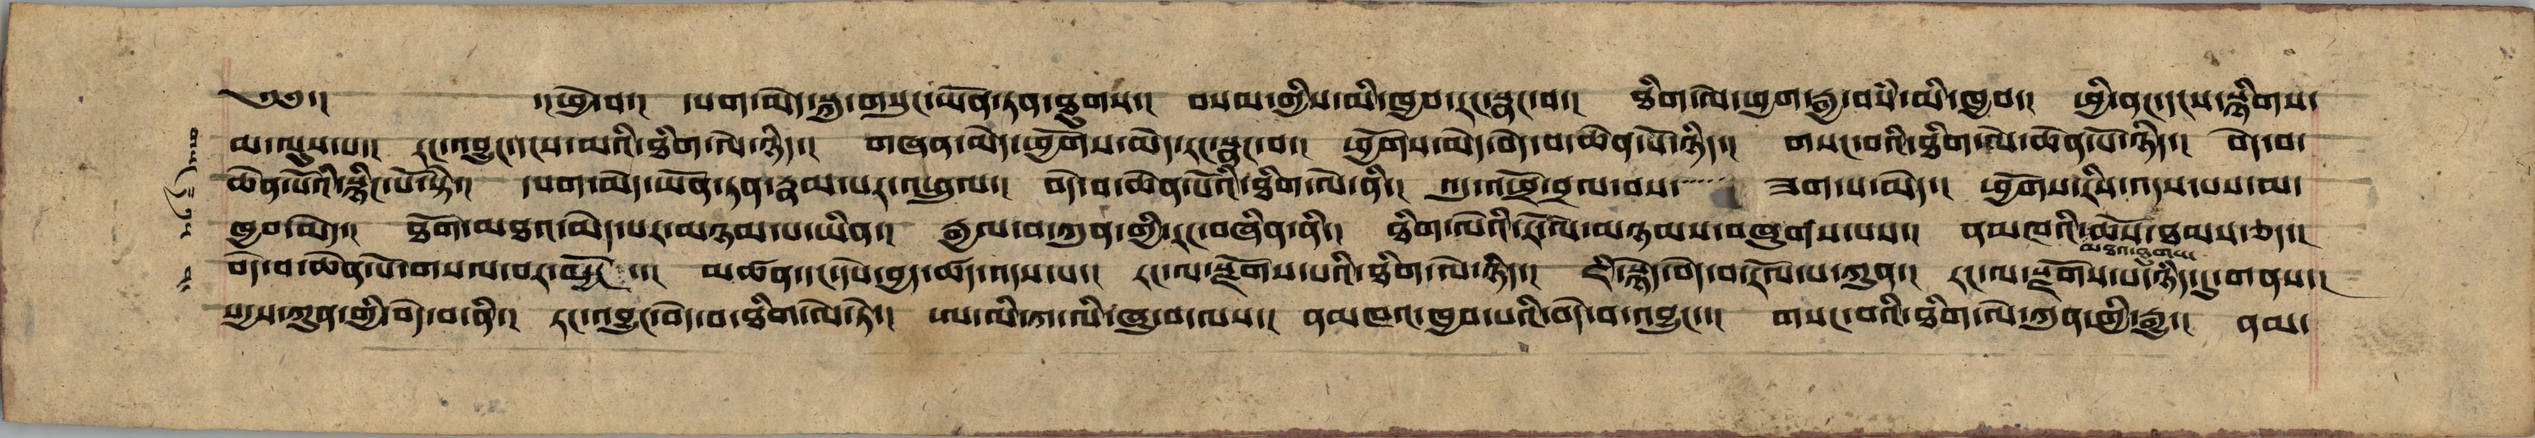༄༅་། ་།ཕྱེ་བ་། དཔག་མེད་སྐུ་གསུང་ཡོན་ཏན་ཐུགས་། བསམ་གྱིས་མི་ཁྱབ་རང་སྣང་བ་། ཐིག་ལེ་ཕྱག་རྒྱ་བསཾ་མི་ཁྱབ་། ཕྱི་ནང་དངས་སྙིགས་
མ་ལུས་པ་། རང་འབྱུང་དངས་མའི་ཐིག་ལེ་ཉིད་། གཞན་མེད་ཕྱོགས་མེད་རང་སྣང་བ་། ཕྱོགས་མེད་བདེ་བ་ཆེན་པོ་ཉིད་། གསང་བའི་ཐིག་ལེ་ཆེན་པོ་ཉིད་། བདེ་བ་
ཆེན་པོའི་སྙིང་པོ་སྟེ་། དཔག་མེད་ཡོན་ཏན་རྣམ་པར་འཕྲུལ་། བདེ་བ་ཆེན་པོའི་ཐིག་ལེ་ནི་། འདུ་འཕྲོ་བྲལ་བས་་་་་་ ཟག་པ་མེད་། ཕྱོགས་རིས་འདས་པས་མ་
ཁྱབ་མེད་། ཐོག་མཐའ་མེད་པར་མཉམ་པ་ཡིན་། རྒྱལ་བ་ཀུན་གྱི་རང་བཞིན་ནི་། ཐིག་ལེའི་རོ་ལ་མཉམས་བཞུགས་པས་། ནམཁའི་མཐའ་ཐུགས་ཆོས་ཐམས་ཅད་།
བདེ་བ་ཆེན་པོ་གསལ་བར་མྱོང་་། མཚན་དང་དཔེ་བྱད་ཚད་འདས་པ་། རང་ལ་སྫོགས་པའི་ཐིག་ལེ་ཉིད་། ཇི་སྙེད་བདེ་བ་རོལ་པ་ཀུན་། རང་ལ་སྫོགས་པ་ཉིད་དུ་གནས་།
སདྱས་ཀུན་གྱི་བདེ་བ་ནི་། རང་འབྱུང་བདེ་བ་ཐིག་ལེ་ཏེ་། ཨ་ལི་ཀ་ལི་ཞུ་བ་ལས་། ནམཁའ་ཁྱབ་པའི་བདེ་བ་འབྱུང་་། གསང་བའི་ཐིག་ལེ་ཀུན་གྱི་རྒྱུ་། ནམ་